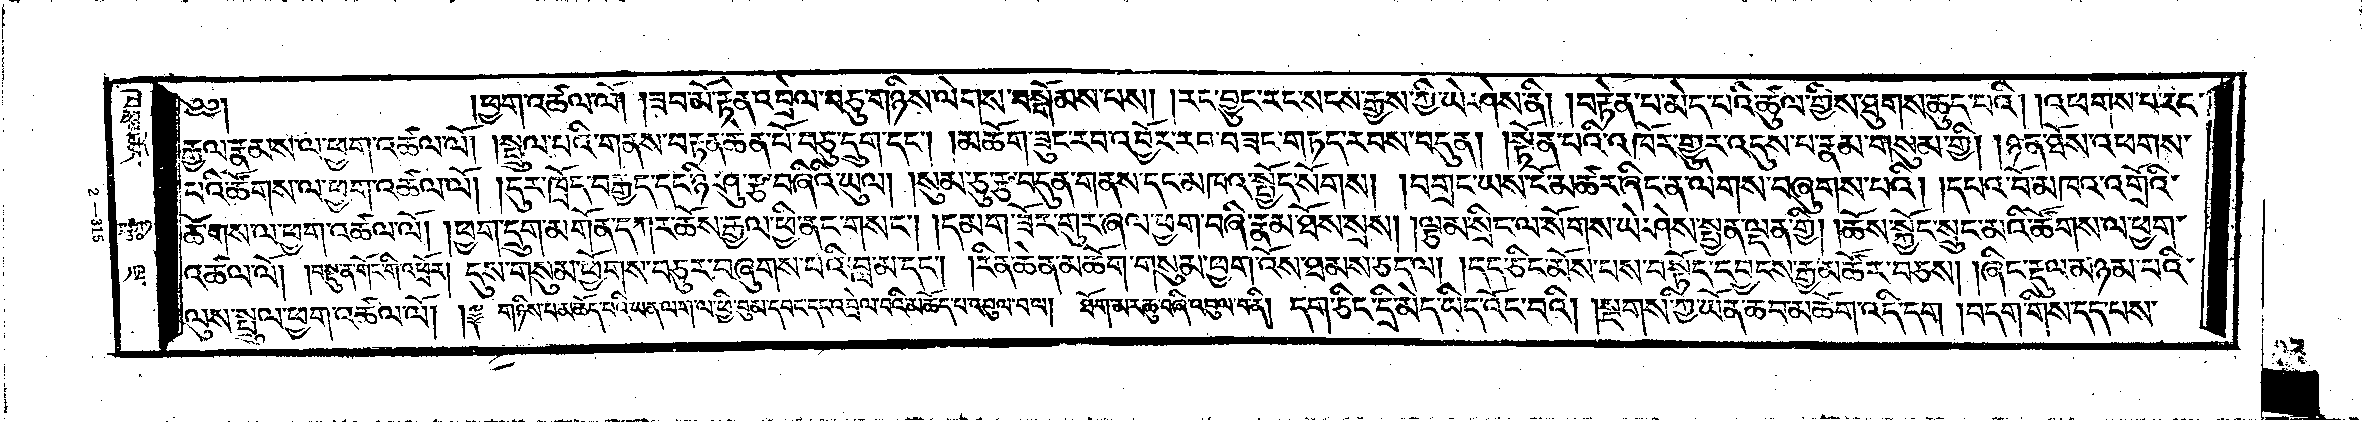༄༅། །ཕྱག་འཚལ་ལོ། །ཟབ་མོ་རྟེན་འབྲེལ་བཅུ་གཉིས་ལེགས་བསྒོམས་པས། །རང་བྱུང་རང་སངས་རྒྱས་ཀྱི་ཡེ་ཤེས་ནི། །བརྟེན་པ་མེད་པའི་ཚུལ་གྱིས་ཐུགས་ཆུད་པའི། །འཕགས་པ་རང་
རྒྱལ་རྣམས་ལ་ཕྱག་འཚལ་ལོ། །སྤྲུལ་པའི་གནས་བརྟན་ཆེན་པོ་བཅུ་དྲུག་དང་། །མཆོག་ཟུང་རབ་འབྱོར་རབ་བཟང་གཏད་རབས་བདུན། །སྟོན་པའི་འཁོར་གྱུར་འདུས་པ་རྣམ་གསུམ་གྱི། །ཉན་ཐོས་འཕགས་
པའི་ཚོགས་ལ་ཕྱག་འཚལ་ལོ། །དུར་ཁྲོད་བརྒྱད་དང་ཉི་ཤུ་རྩ་བཞིའི་ཡུལ། །སུམ་ཅུ་རྩ་བདུན་གནས་དང་མཁའ་སྤྱོད་སོགས། །བགྲང་ཡས་ངོ་མཚར་ཞིང་ན་ལེགས་བཞུགས་པའི། །དཔའ་བོ་མཁའ་འགྲོའི་
ཆོགས་ལ་ཕྱག་འཚལ་ལོ། །ཕྱག་དྲུག་མགོན་དཀར་ཆོས་རྒྱལ་ཕྱི་ནང་གསང་། །དམག་ཟོར་གུར་ཞལ་ཕྱག་བཞི་རྣམ་ཐོས་སྲས། །ལྕམ་སྲིང་ལ་སོགས་ཡེ་ཤེས་སྤྱན་ལྡན་གྱི། །ཆོས་སྐྱོང་སྲུང་མའི་ཚོགས་ལ་ཕྱག་
འཚལ་ལོ། །བསྡུན་གོང་གི་འཕྲོར།  དུས་གསུམ་ཕྱོགས་བཅུར་བཞུགས་པའི་བླ་མ་དང་། །རིན་ཆེན་མཆོག་གསུམ་ཕྱག་འོས་ཐམས་ཅད་ལ། །དད་ཅིང་མོས་པས་བསྟོད་དབྱངས་རྒྱ་མཚོར་བཅས། །ཞིང་རྡུལ་མཉམ་པའི་
ལུས་སྤྲུལ་ཕྱག་འཚལ་ལོ། །༈གཉིས་པ་མཆོད་པའི་ཡན་ལག་ལ་ཕྱི་བུམ་དབང་དང་འབྲེལ་བའི་མཆོད་པ་འབུལ་བ་ལ། ཐོག་མར་ཆུ་བཞི་འབུལ་བ་ནི།  དག་ཅིང་དྲི་མེད་ཡིད་འོང་བའི། །སྔགས་ཀྱི་ཡོན་ཆབ་མཆོག་འདི་དག །བདག་གིས་དད་པས་